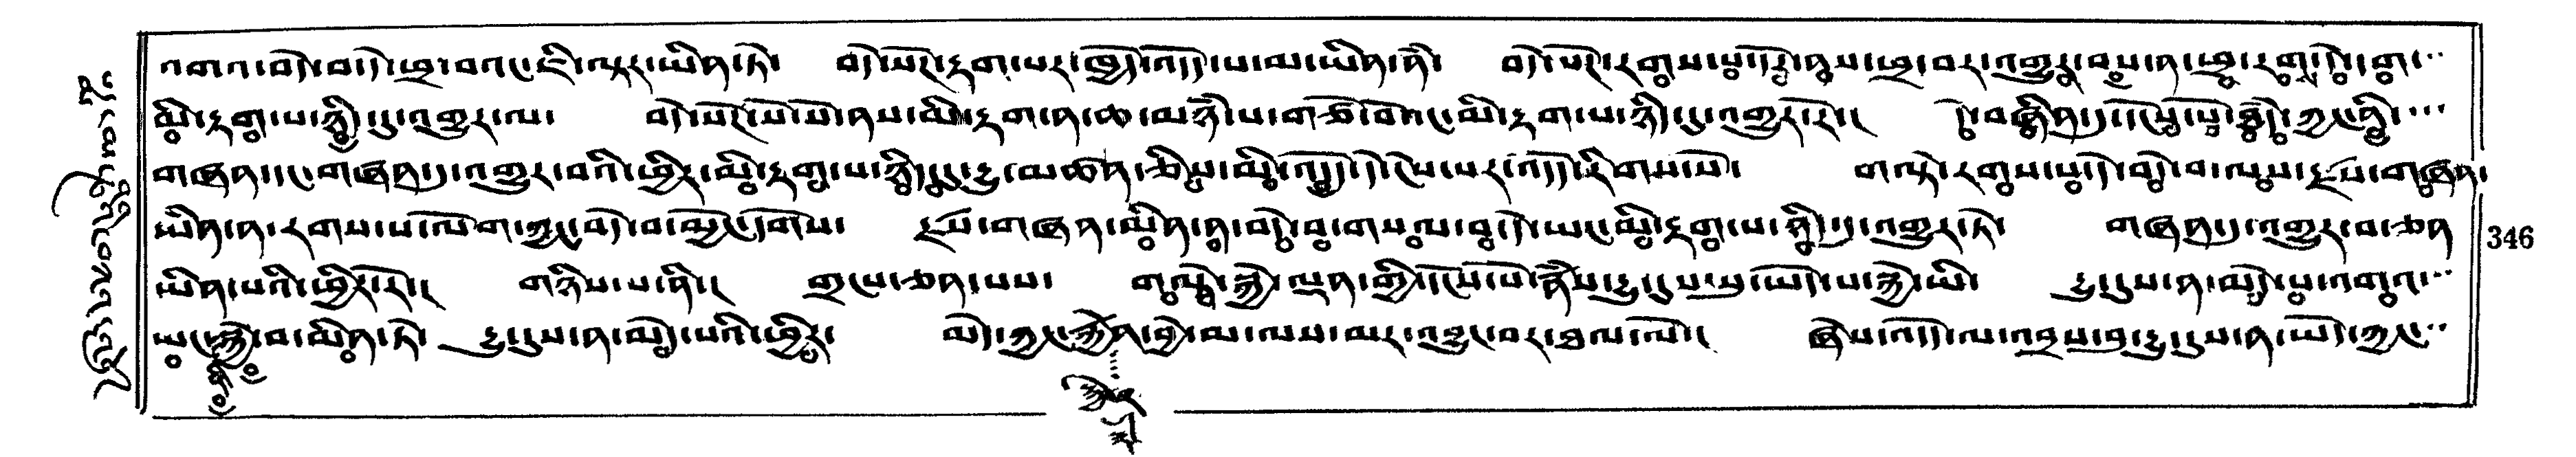འགའ་བདེ་བ་དེ་ཕྲ་བའང་ཇི་ལྟར་ཡིན་ཏེ། བདེ་སོགས་རྟག་པར་ཁྱོད་འདོད་པ་མ་ཡིན་ནམ། བདེ་སོགས་རགས་པ་དོར་ནས་ཕྲ་བར་འགྱུར་བས་ན་ཕྲ་རགས་དེ་དག་
མི་རྟག་པ་ཉིད་དུ་འགྱུར་ལ། བདེ་སོགས་སོ་སོ་ནས་མི་རྟག་ན་ཆ་མཉམ་པ་གཙོ་བོའང་མི་རྟག་པ་ཉིད་དུ་འགྱུར་རོ།། དེ་བཞིན་དུ་དངོས་པོ་ཐམས་ཅད་ཀྱང་ནི་
གཞན་དང་གཞན་དུ་འགྱུར་བའི་ཕྱིར་མི་རྟག་པ་ཉིད་དུ་རྒྱུ་མཚན་ཅིས་མི་འདོད་དེ་ངེས་པར་འདོད་རིགས་སོ།། གལ་ཏེ་རགས་པ་དེ་བདེ་བ་ལས་རྫས་གཞན་
ཡིན་ན་རགས་པ་ལོག་ཀྱང་བདེ་བ་མྱོང་དགོས། རྫས་གཞན་མིན་ན་བདེ་བ་གསལ་བ་དེ་ཡང་མི་རྟག་པ་ཉིད་དུ་འགྱུར་ཏེ། གཞན་དུ་འགྱུར་བ་ཅན་
ཡིན་པའི་ཕྱིར་རོ།། གཉིས་པ་ནི། གྲངས་ཅན་པས། གལ་ཏེ་སྐྱེ་ལྡན་གྱི་དངོས་པོ་རྣམས་རྒྱུ་དུས་སུ་ཡོད་པ་སྐྱེ་ཡི། རྒྱུ་དུས་ན་མེད་པ་འགའ་
ཡང་ནི་སྐྱེ་བ་མིན་ཏེ། རྒྱུ་དུས་ན་མེད་པའི་ཕྱིར། མེད་ཀྱང་སྐྱེ་ན་བྱེ་མ་ལས་མར་འབྱུང་བ་ཐལ་ལོ།། ཞེས་འདོད་ལ་འབྲས་བུ་རྒྱུ་དུས་ན་ཡོད་ཀྱང་